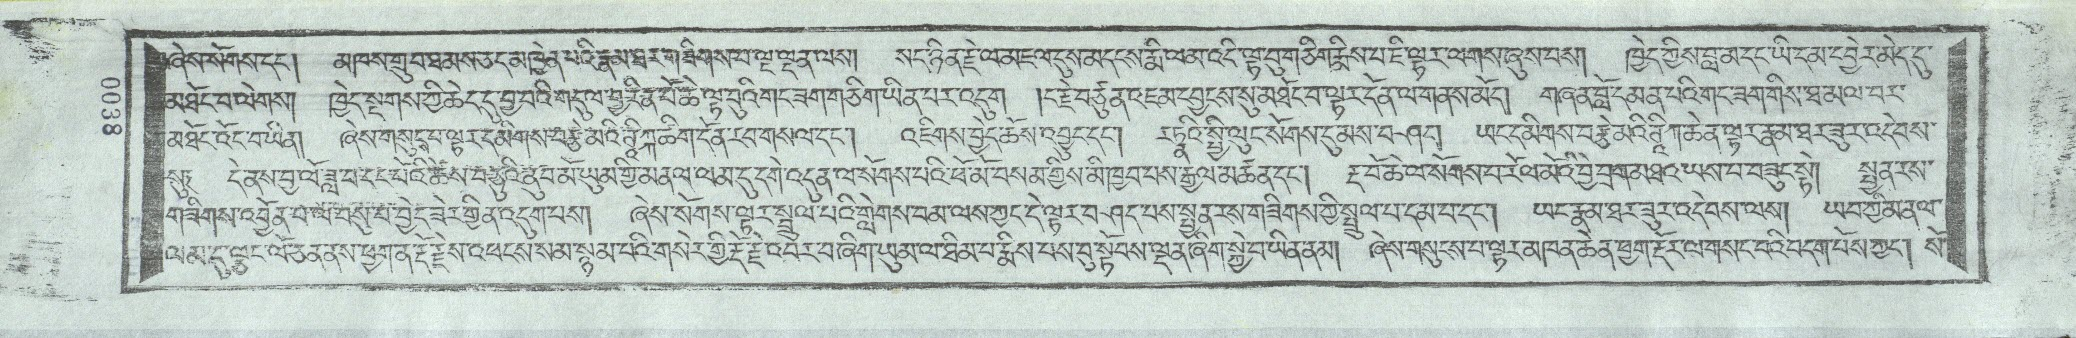ཞེས་སོགས་དང་། མཁས་གྲུབ་ཐམས་ཅད་མཁྱེན་པའི་རྣམ་ཐར་གཟིགས་པ་ལྔ་ལྡན་ལས། སང་ཉིན་རྗེ་ལ་མཇལ་དུས་མདངས་རྨི་ལམ་འདི་ལྟ་བུ་གཅིག་རྨིས་པ་ཇི་ལྟར་ལགས་ཞུས་བས། ཁྱེད་ཀྱིས་བླ་མ་དང་ཡི་དམ་དབྱེར་མེད་དུ?
མཐོང་བ་ལེགས། ཁྱེད་སྔགས་ཀྱི་ཆེད་དུ་བྱ་བའི་གདུལ་བྱ་རིན་པོ་ཆེ་ལྟ་བུའི་གང་ཟག་གཅིག་ཡིན་པར་འདུག །ང་རྗེ་བཙུན་འཇམ་དབྱངས་སུ་མཐོང་བ་ལྟར་དོན་ལ་གནས་མོད། གཞན་བློ་དམན་པའི་གང་ཟག་གིས་ཐ་མལ་བར་
མཐོང་འོང་བ་ཡིན། ཞེས་གསུངས་པ་ལྟར་དམིགས་བརྩེ་མའི་ཊཱིཀྐ་ཚིག་དོན་རབ་གསལ་དང་། འཇིགས་བྱེད་ཆོས་འབྱུང་དང་། རཏྣའི་སྤྱི་ལུང་སོགས་དུ་མས་བཤད། ཡང་དམིགས་བརྩེ་མའི་ཊཱི་ཀ་ཆེན་ལྟར་རྣམ་ཐར་ཟུར་འདེབས་
སུ། དེ་ནས་བྱ་ལོ་ཟླ་བ་དང་པོའི་ཚེས་བཅུའི་ནུབ་མོ་ཡུམ་གྱི་མནལ་ལམ་དུ་དགེ་འདུན་ལ་སོགས་པའི་ཕོ་མོ་བསམ་གྱིས་མི་ཁྱབ་པས་རྒྱལ་མཚན་དང་། རྡ་བོ་ཆེ་ལ་སོགས་པ་རོལ་མོའི་བྱེ་བྲག་མཐའ་ཡས་པ་བཟུང་སྟེ། སྤྱན་རས་
གཟིགས་འབྱོན་པ་ལ་བསུ་བ་བྱེད་ཟེར་གྱིན་འདུག་པས། ཞེས་སོགས་ལྟར་སྤྲུལ་པའི་གླེགས་བམ་ལས་ཀྱང་དེ་ལྟར་བཤད་པས་སྤྱན་རས་གཟིགས་ཀྱི་སྤྲུལ་པ་དམ་པ་དང་། ཡང་རྣམ་ཐར་ཟུར་འདེབས་ལས། ཡབ་ཀྱི་མནལ་
ལམ་དུ་ལྕང་ལོ་ཅན་ནས་ཕྱག་ན་རྡོ་རྗེས་འཕངས་སམ་སྙམ་པའི་གསེར་གྱི་རྡོ་རྗེ་འབར་བ་ཞིག་ཡུམ་ལ་ཐིམ་པ་རྨིས་པས་བུ་སྟོབས་ལྡན་ཞིག་སྐྱེ་བ་ཡིན་ནམ། ཞེས་གསུངས་བ་ལྟར་མཁན་ཆེན་ཕྱག་རྡོར་ལ་གསང་བའི་བདག་བོས་ཀྱང་། སོ་